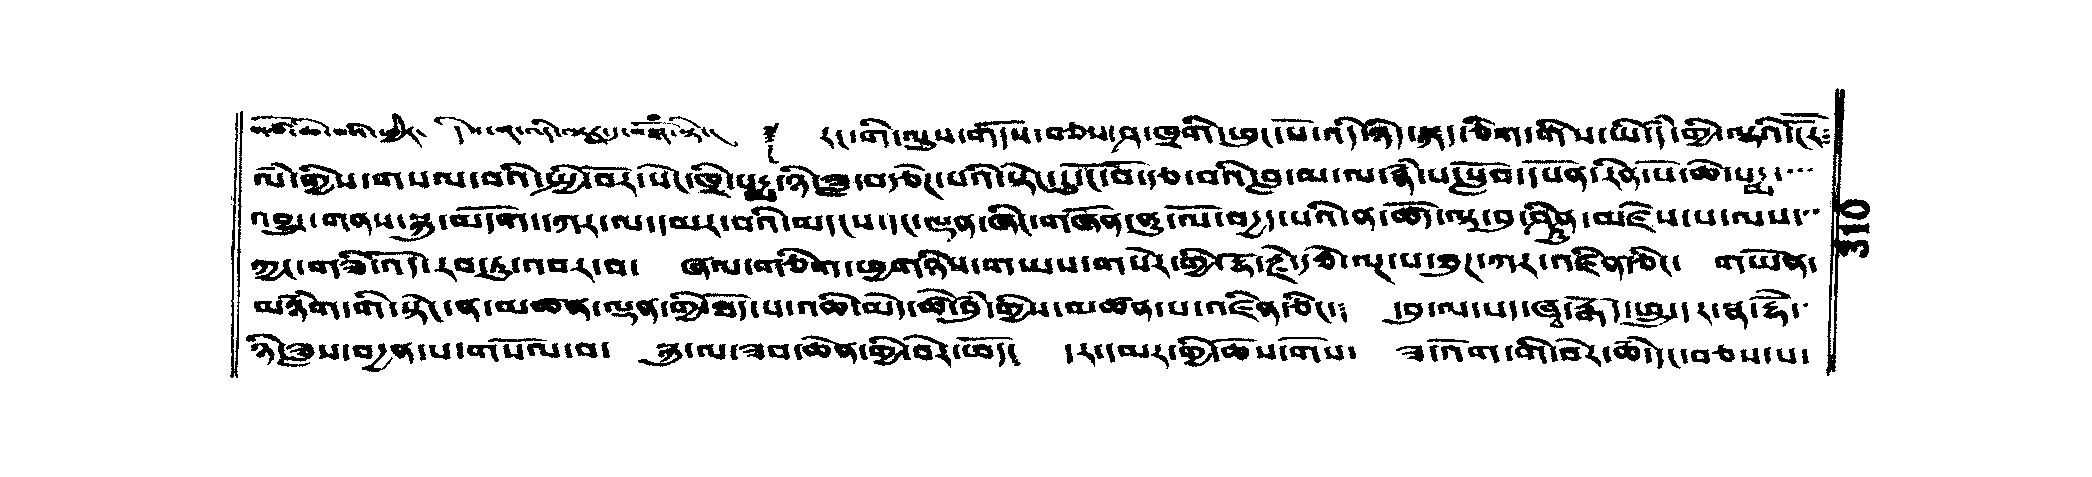གཙོ་ཆེ་བའི་ཕྱིར། དེས་ན་འདི་ལྟར་དུ་བསྒོམ་སྟེ། ༈ རང་གི་ལུས་གདོས་བཅས་ཤ་ཁྲག་གི་ཕུང་པོ་འདི་ཉིད་སྐད་ཅིག་གིས་ཡི་དམ་གྱི་ལྷའི་ངོ་བོར་
ལམ་གྱིས་གསལ་བའི་སྤྱི་བོར་སེང་ཁྲི་པདྨ་ཉི་ཟླ་བརྩེགས་པའི་སྟེང་དུ་ངོ་བོར་རྩ་བའི་བླ་མ་ལ་རྣམ་པ་སློབ་དཔོན་རིན་པོ་ཆེ་པདྨ་
འབྱུང་གནས་སྐུ་མདོག་དཀར་ལ་དམར་བའི་མདངས་དང་ལྡན་ཞིང་གཞོན་ནུ་ལོ་བརྒྱད་པའི་ན་ཚོད་ལྟ་བུ་ཤིན་ཏུ་མཛེས་པ་ལས་
ཀྱང་གཟི་འོད་རབ་ཏུ་འབར་བ།ཞལ་གཅིག་ཕྱག་གཉིས་གཡས་གསེར་གྱི་རྡོ་རྗེ་རྩེ་ལྔ་པ་ཐུགས་ཀར་འཛིན་ཅིང་། གཡོན་
མཉམ་གཞག་གི་སྟེང་ན་མཚན་ལྡན་གྱི་ཐོད་པ་འཆི་མེད་ཚེ་བུམ་གྱིས་མཚན་པ་འཛིན་ཅིང་། དབུ་ལ་པད་ཞྭ་རྒོད་ཕྲུ་དར་སྣ་རྡོ་རྗེ་
ཉི་ཟླས་བརྒྱན་པ་གསོལ་བ། སྐུ་ལ་ཟབ་ཆེན་གྱི་བེར་ཕོད། དར་དམར་གྱི་ཆོས་གོས། ཟ་འོག་གི་བེར་ཆམ་དང་བཅས་པ་